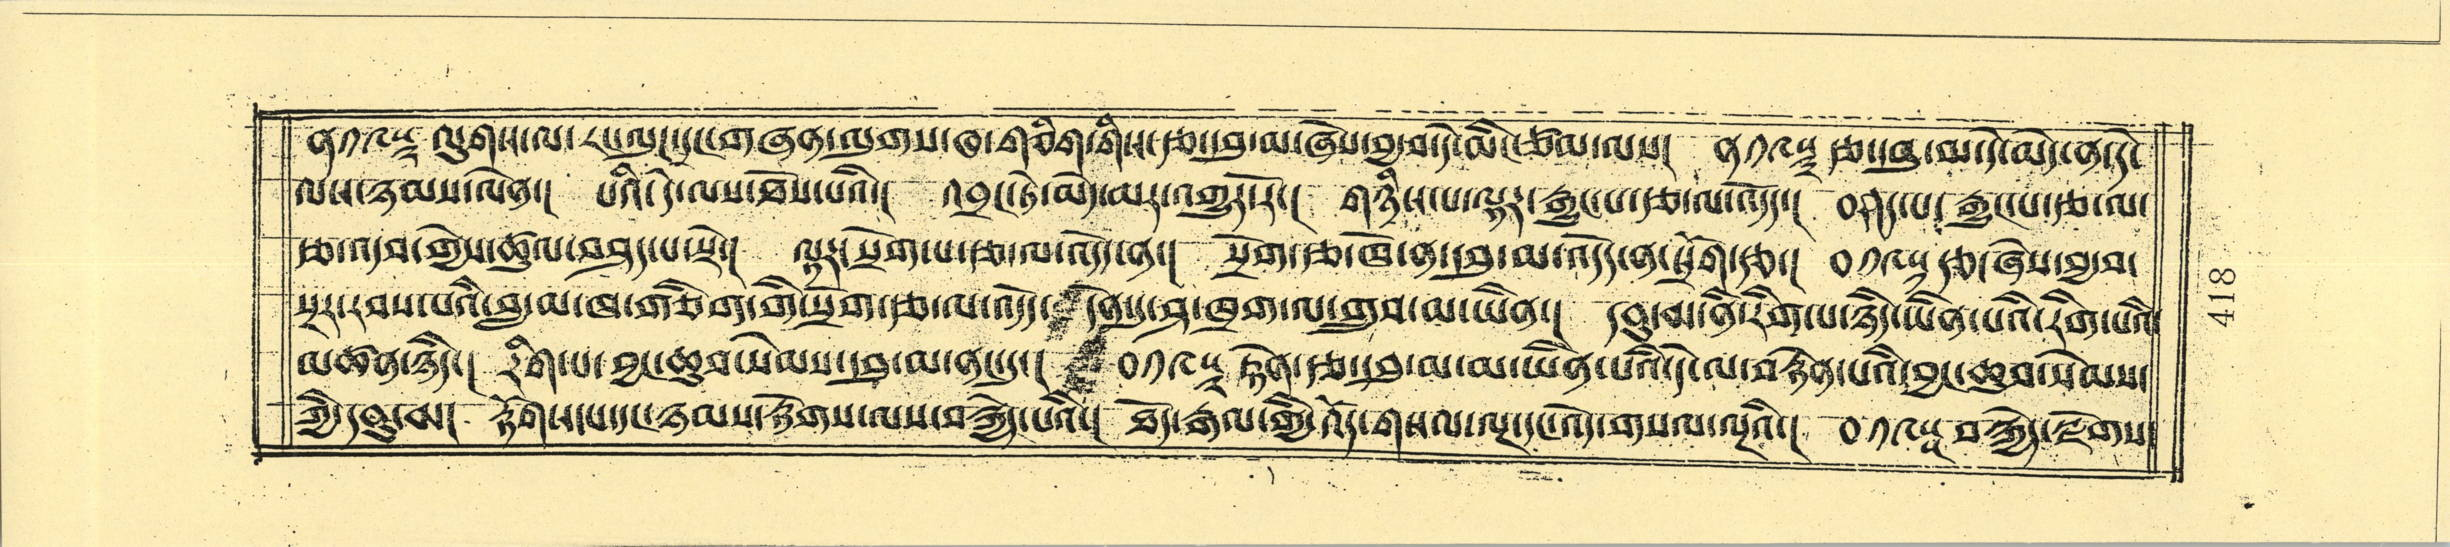ན༡༩༥།༢ ལུགས་ལ་རང་ལུགས་དང་གཞན་ལུགས་ཁ་ཅིག་གིས་རྩ་དབུ་མ་ཞེས་བྱ་བ་དེ་མིང་ཙམ་ལས་ ན༡༩༥།༣ རྩ་དབུ་མ་དེ་མེད་ན་དེ་
ལས་ཉམས་ལེན་ པའི་དེ་ལས་ཐོས་པའི་ འབྲང་སྟེ་མེད་པར་འགྱུར་རོ། གཉིས་པ་ལྟར་རྒྱུང་པ་རྩ་ལ་འདོད། བཤད་པ་རྒྱུང་པ་རྩ་ལ་
རྕ་འདབ་གྱེས་ཚུལ་བཤད་པ་སྟེ། ལྟར་སྲོག་པ་རྩ་ལ་འདོད་ན་སྲོག་རྩ་ཁོ་ན་དབུ་མ་འདོད་ན་སྲོག་རྩ་ བ༡༩༥།༡རྩ་ཞེས་བྱ་བ་
སྔ་རབས་པའི་བླ་མ་ཁ་ཅིག་གི་སྲོག་རྩ་ལ་འདོད། དོན་དུ་ཤ་ཁྲག་ལ་གྲུབ་མ་ཡིན། དབུ་མ་ནི་རིག་པ་ཉིད་ཡིན་པའི་རིག་པའི་
མཚན་ཉིད་ རིག་པ་བྱང་ཆུབ་སེམས་དབུ་མ་ནང་དུ་ བ༡༩༥།༢རྟེན་རྩ་དབུ་མ་མ་ཡིན་པའི་དེ་ལ་བརྟེན་པའི་བྱང་ཆུབ་སེམས་
ཀྱི་དབུ་མ་རྟོགས་པ་དང་ཉམས་རྟོགས་ལས་བསྐྱེད་པའི། ཐོད་རྒལ་གྱི་འོད་གསལ་ལྔ་དང་འོད་གསལ་ལྔའི་ བ༡༩༥།༥བསྐྱེད་རྫོགས་